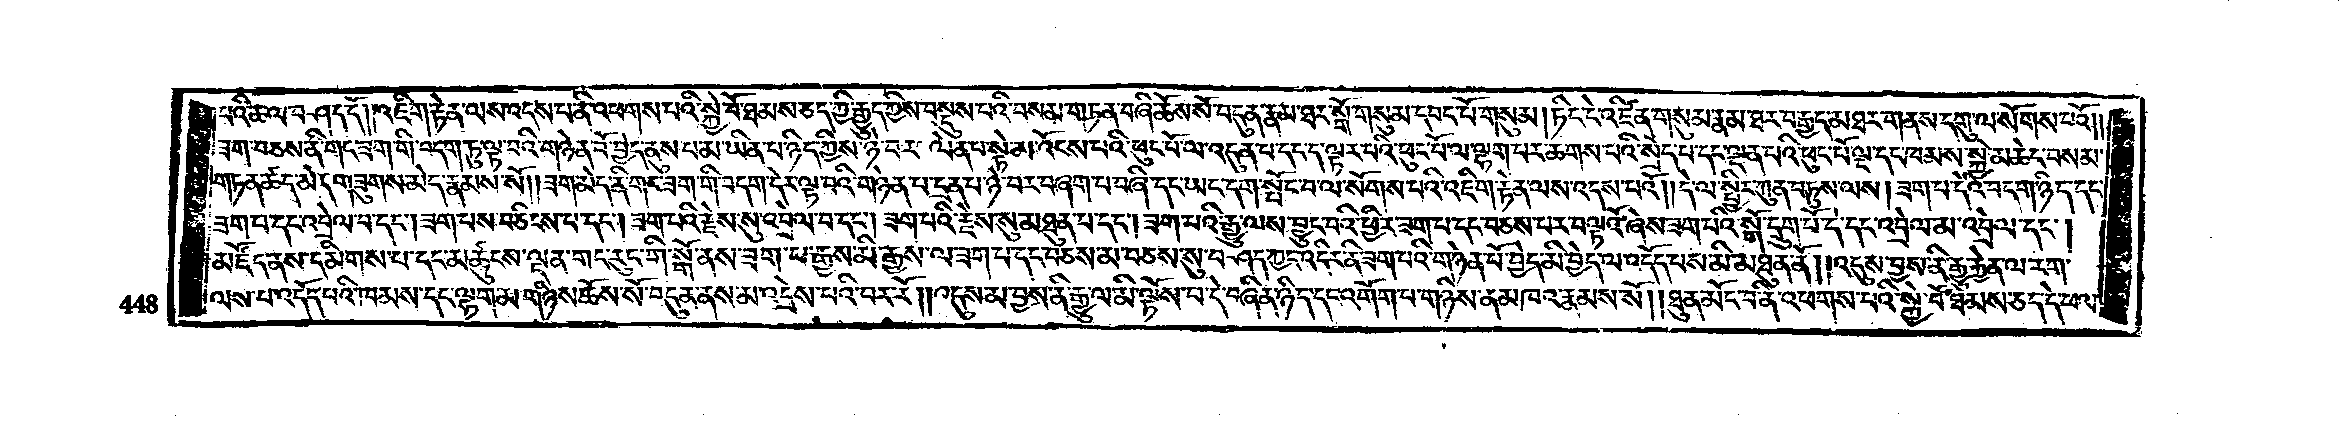པའི་ཆ་ལ་བཤད་དོ། །འཇིག་རྟེན་ལས་འདས་པ་ནི་འཕགས་པའི་སྐྱེ་བོ་ཐམས་ཅད་ཀྱི་རྒྱུད་ཀྱིས་བསྡུས་པའི་བསམ་གཏན་བཞི་ཆོས་སོ་བདུན་རྣམ་ཐར་སྒོ་གསུམ་དབང་པོ་གསུམ། ཏིང་ངེ་འཛིན་གསུམ་རྣམ་ཐར་བརྒྱད་མཐར་གནས་དགུ་ལ་སོགས་པའོ། །
ཟག་བཅས་ནི་གང་ཟག་གི་བདག་ཏུ་ལྟ་བའི་གཉེན་པོ་བྱེད་ནུས་པ་མ་ཡིན་པ་ཉིད་ཀྱིས་ཉེ་བར་ལེན་པ་སྟེ་མ་འོངས་པའི་ཕུང་པོ་ལ་འདུན་པ་དང་ད་ལྟར་བའི་ཕུང་པོ་ལ་ལྷག་པར་ཆགས་པའི་སྲེད་པ་དང་ལྡན་པའི་ཕུང་པོ་ལྔ་དང་ཁམས་སྐྱེ་མཆེད་བསམ་
གཏན་ཚད་མེད་གཟུགས་མེད་རྣམས་སོ། །ཟག་མེད་ནི་གང་ཟག་གི་བདག་དེར་ལྟ་བའི་གཉེན་པ་དྲན་པ་ཉེ་བར་བཞག་པ་བཞི་དང་ཡང་དག་སྤོང་བ་ལ་སོགས་པའི་འཇིག་རྟེན་ལས་འདས་པའོ། །དེ་ལ་སྤྱིར་ཀུན་བཏུས་ལས། ཟག་པ་དེའི་བདག་ཉིད་དང་
ཟག་པ་དང་འབྲེལ་བ་དང་། ཟག་པས་བཅིངས་པ་དང་། ཟག་པའི་རྗེས་སུ་འབྲེལ་བ་དང་། ཟག་པའི་རྗེས་སུ་མཐུན་པ་དང་། ཟག་པའི་རྒྱུ་ལས་བྱུང་བའི་ཕྱིར་ཟག་པ་དང་བཅས་པར་བལྟའོ་ཞེས་ཟག་པའི་སྒོ་དྲུག་པོ་དེ་དང་འབྲེལ་མ་འབྲེལ་དང་།
མཛོད་ནས་དམིགས་པ་དང་མཚུངས་ལྡན་གང་རུང་གི་སྒོ་ནས་ཟག་པ་རྒྱས་མི་རྒྱས་ལ་ཟག་པ་དང་བཅས་མ་བཅས་སུ་བཤད་ཀྱང་འདིར་ནི་ཟག་པའི་གཉེན་པོ་བྱེད་མི་བྱེད་ལ་འདོད་པས་མི་མཐུན་ནོ། །འདུས་བྱས་ནི་རྒྱུ་རྐྱེན་ལ་རག་
ལས་པ་འདོད་པའི་ཁམས་དང་ལྷག་མ་གཉིས་ཆོས་སོ་བདུན་ནས་མ་འདྲེས་པའི་བར་རོ། །འདུས་མ་བྱས་ནི་རྒྱུ་ལ་མི་ལྟོས་པ་དེ་བཞིན་ཉིད་དང་འགོག་པ་གཉིས་ནམ་མཁའ་རྣམས་སོ། །ཐུན་མོང་བ་ནི་འཕགས་པའི་སྐྱེ་བོ་ཐམས་ཅད་དེ་ཕལ་